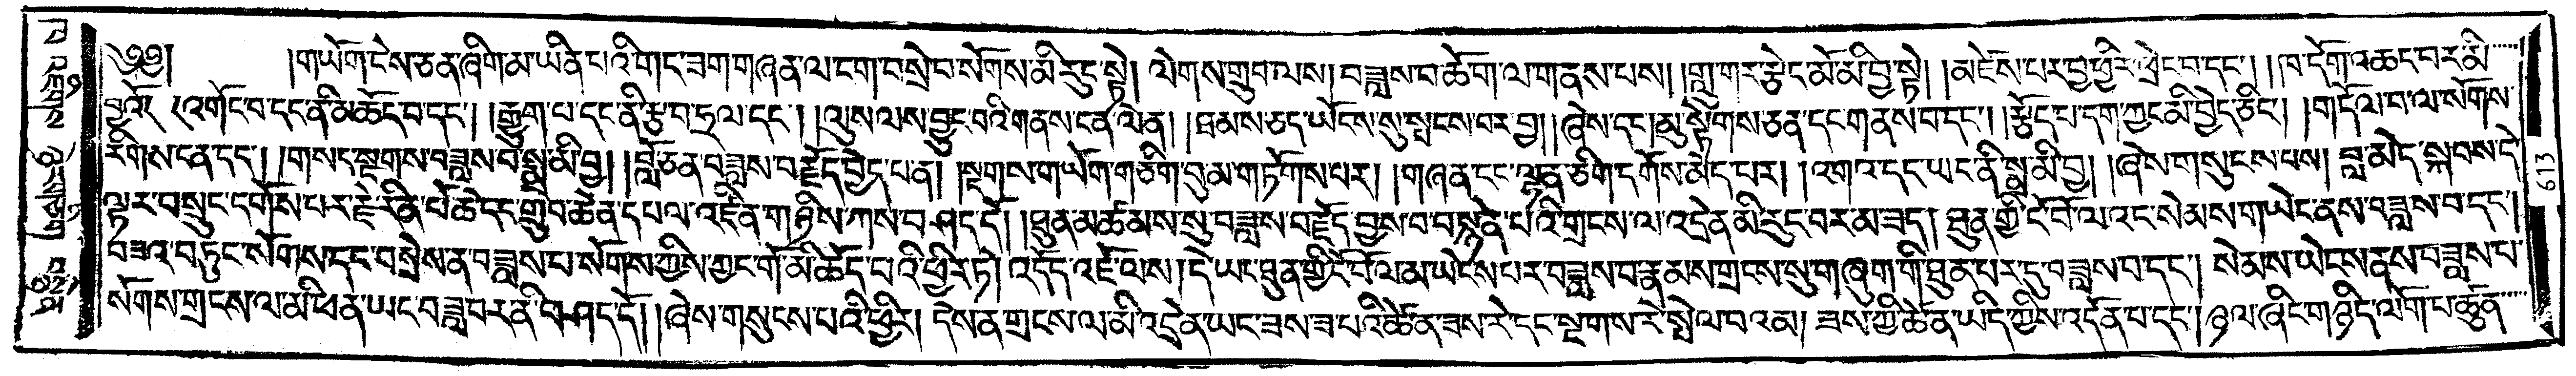༄༅། །གཡོག་ངེས་ཅན་ཞིག་མ་ཡིན་པའི་གང་ཟག་གཞན་ལ་ངག་བསྲེ་བ་སོགས་མི་རུང་སྟེ། ལེགས་གྲུབ་ལས། བཟླས་པ་ཆོ་ག་ལ་གནས་པས། །གླུ་གར་རྩེང་མོ་མི་བྱ་སྟེ། །མཛེས་པར་བྱ་ཕྱིར་ཕྲེང་བ་དང་། །ཁ་དོག་འཆང་པར་མི་
བྱའོ༑ ༑འགོང་བ་དང་ནི་མཆོད་བ་དང་། །རྒྱུག་པ་དང་ནི་རྩ་བ་ཧྲལ་དང་། །ལུས་ལས་བྱུང་བའི་གནས་ངན་ལེན། །ཐམས་ཅད་ཡོངས་སུ་སྤངས་བར་བྱ། །ཞེས་དང་། མུ་སྟེགས་ཅན་དང་གནས་བ་དང་། །རྩོད་པ་དག་ཀྱང་མི་བྱེད་ཅིང་། །གདོལ་བ་ལ་སོགས་
རིགས་ངན་དང་། །གསང་སྔགས་བཟླས་བ་སྨྲ་མི་བྱ། །བློ་ཅན་བཟླས་བརྗོད་བྱེད་པ་ན། །སྔགས་གཡོག་གཅིག་བུ་མ་གཏོགས་པར། །གཞན་དང་ལྷན་ཅིག་དགོས་མེད་པར། །འགའ་དང་ཡང་ནི་སྨྲ་མི་བྱ། །ཞེས་གསུངས་པས། བླ་མེད་སྐབས་དེ་
ལྟར་བསྲུང་དགོས་པར་རྗེ་རིན་པོ་ཆེ་དང་གྲུབ་ཆེན་དཔལ་འཛིན་གཉིས་ཀས་བཤད་དོ། །ཐུན་མཚམས་སུ་བཟླས་བརྗོད་བྱས་པ་བསྙེན་པའི་གྲངས་ལ་འདྲེན་མི་རུང་བར་མ་ཟད། ཐུན་གྱི་ངོ་བོ་ལའང་སེམས་གཡེང་ནས་བཟླས་བ་དང་།
བཟའ་བཏུང་སོགས་དང་བསྲེས་ན་བཟླས་པ་སོགས་ཀྱིས་ཀྱང་གོ་མི་ཆོད་བའི་ཕྱིར་ཏེ། འདོད་འཇོ་ལས། དེ་ཡང་ཐུན་གྱི་ངོ་བོ་ལམ་ཡེངས་པར་བཟླས་བ་རྣམས་གྲངས་སུ་གཞུག་གི་ཐུན་པར་དུ་བཟླས་བ་དང་། སེམས་ཡེངས་ནས་བཟླས་པ་
སོགས་གྲངས་ལ་མི་ཕན་ཡང་བཟླ་བར་ནི་བཤད་དོ། །ཞེས་གསུངས་པའི་ཕྱིར། དེས་ན་གྲངས་ལ་མི་འདྲེན་ཡང་ཟས་ཟ་པའི་ཚེ་ན་ཟས་རེ་དང་སྔགས་རེ་སྤེལ་བའམ། ཟས་ཀྱི་ཚེ་ན་ཡིད་ཀྱིས་འདོན་པ་དང་། ཉལ་ཞིང་གཉིད་ལོག་པ་ཚུན་